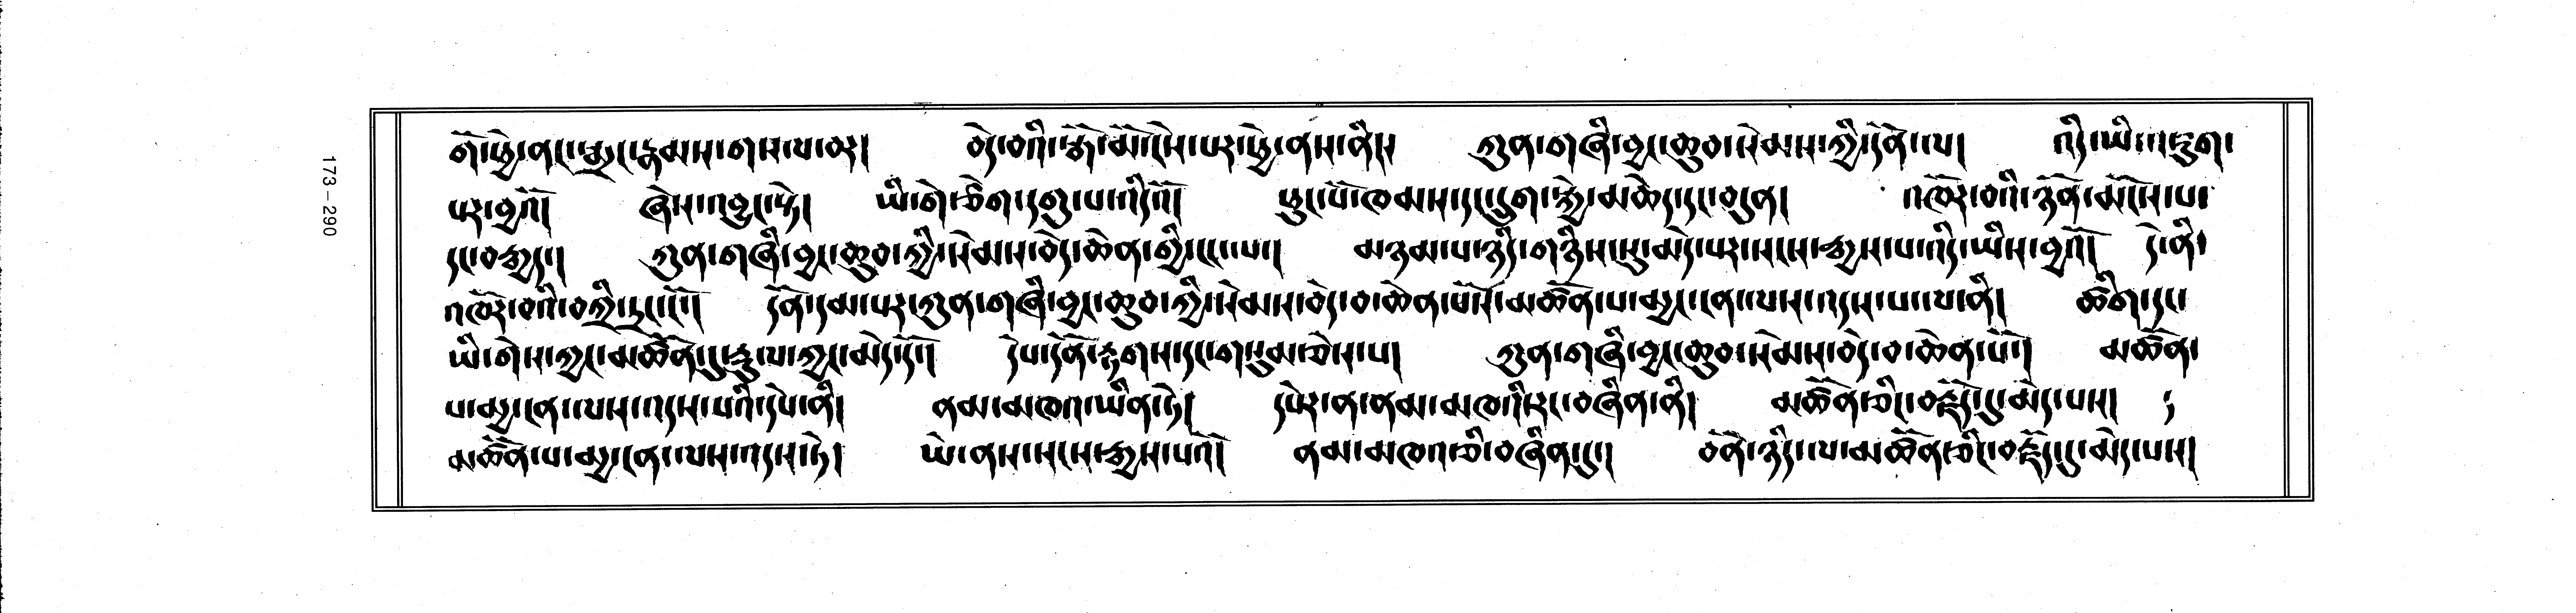གོ་ཕྱེ་ནང་སྨྲང་རྣམས་གསལ་བར། བདེ་བའི་སྒོ་མོ་ངེས་པར་ཕྱེ་ནས་ནི། ཀུན་གཞི་བྱང་ཆུབ་སེམས་ཀྱི་དོན་ལ། འདི་ཡི་འཇུག་
པར་བྱའོ། །ཞེས་འབྱུང་སྟེ། ཡི་གེ་ཙེག་དགུ་པ་འདིའོ། །ཕུང་པོ་ཁམས་དང་དྲུག་སྐྱེ་མཆེད་དང་བདུན། འཁོར་བའི་ཉོན་མོངས་པ་
དང་བརྒྱད། ཀུན་གཞི་བྱང་ཆུབ་ཀྱི་སེམས་བདེ་ཆེན་གྱི་ངང་ལ། མཉམ་པ་ཉིད་གཉིས་སུ་མེད་པར་སངས་རྒྱས་པ་འདི་ཡིས་བྱའོ། །དེ་ནི་
འཁོར་བའི་བཀྲི་དྲང་ངོ་། །དོན་དམ་པར་ཀུན་གཞི་བྱང་ཆུབ་ཀྱི་སེམས་བདེ་བ་ཆེན་པོས་མཚོན་པ་མྱ་ངན་ལས་འདས་པ་ལ་ནི། ཚིག་དང་
ཡི་གེས་ཀྱང་མཚོན་དུ་རྡུལ་ཀྱང་མེད་དོ། །དཔེ་དོན་རྟགས་དང་གསུམ་ཅེས་པ། ཀུན་གཞི་བྱང་ཆུབ་ཀྱི་སེམས་བདེ་བ་ཆེན་པོ། མཚོན་
པ་མྱ་ངན་ལས་འདས་པའི་དཔེ་ནི། ནམ་མཁའ་ཡིན་ཏེ། དཔེར་ན་ནམ་མཁའི་རང་བཞིན་ནི། མཚོན་ཅིང་བརྗོད་དུ་མེད་པས། 
མཚོན་པ་མྱ་ངན་ལས་འདས་ཏེ། ཡེ་ནས་སངས་རྒྱས་པའོ། །ནམ་མཁའ་ཅི་བཞིན་དུ། བོན་ཉིད་ལ་མཚོན་ཅིང་བརྗོད་དུ་མེད་པས།